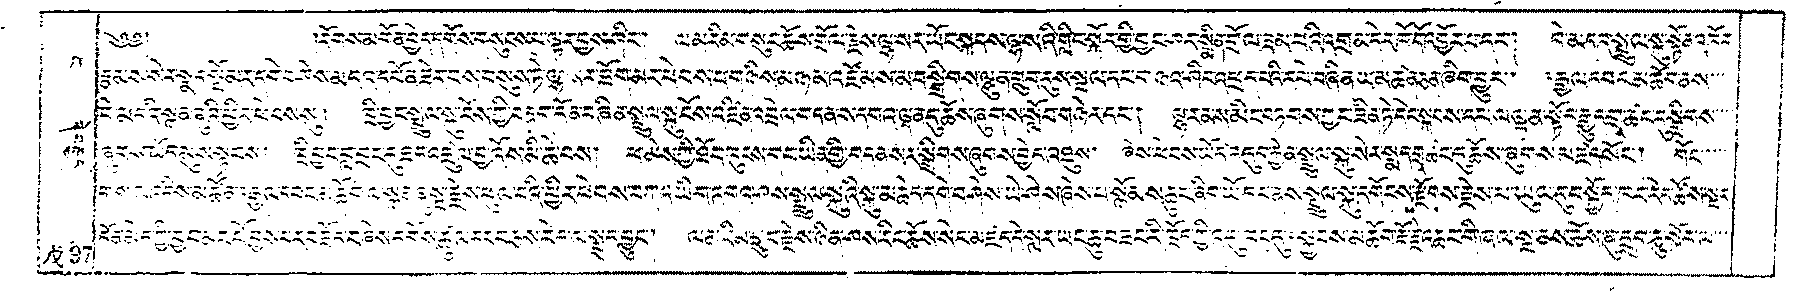༄༅། །རོགས་མགོན་བྱེད་དགོས་གསུངས་པ་ལྟར་བྱས་ཤིང་། ལམ་རིམ་གསུང་ཆོས་གྲོལ་རྗེས་ལྷ་སར་ཡོང་སྐབས་ལྷ་སའི་གླིང་སྐོར་གྱི་བྱང་ཤར་སྨིན་གྲོལ་ཟམ་པའི་འགྲམ་དེར་ཁོ་བོ་འབྱོར་པ་དང་། བེ་མདའ་སྤྲུལ་སྐུ་སྟོན་འཁོར་
རྣམས་སེར་སྨད་སྤོམ་ར་དགེ་བཤེས་མདའ་དཔོན་ཟེར་བས་བསུས་ཏེ་ལྷ་སར་ཐོག་མར་ཕེབས་པ་གཉིས་མཉམ་འཛོམས་མ་བསྒྲིགས་ལྷུན་གྲུབ་རུས་སྦལ་དང་གཉའ་ཤིང་འཕྲད་པའི་དཔེ་བཞིན་ཡ་མཚན་ཅན་ཞིག་བྱུང་། ༧རྒྱལ་དབང་མཆོག་ནས་
བེ་མདའི་སྙན་ཞུའི་ཕྱིར་ཕེབས་སུ། ཁྲི་བྱང་སྤྲུལ་སྐུ་ངོས་ཀྱི་བརྟག་དོན་བཞིན་སྤྲུལ་སྐུ་ངོས་འཛིན་འབྲེལ་གདན་ས་དགའ་ལྡན་དུ་ཆོས་ཞུགས་སློབ་གཉེར་དང་། ལྷ་རམས་མིང་བཏགས་ཀྱང་ཟིན་ཏེ་དེང་སྐབས་དཔལ་ལྡན་སྟོད་རྒྱུད་གྲྭ་ཚང་དུ་སྒྲིགས་
ཞུགས་ཡོད་མུས་སྟབས། ཁྲི་བྱང་བླ་བྲང་དུ་ཐད་འཛུལ་བྱ་འོས་མི་ཆེ་བས། ཕ་མེས་ཀྱི་ཐོབ་ཁུངས་གང་ཡིན་གྱི་གདན་སར་སྒྲིགས་ཞུགས་བྱེད་འཐུས། ཞེས་ཕེབས་ཡོད་འདུག་རྐྱེན་སྤྲུལ་སྐུ་སེར་སྨད་གྲྭ་ཚང་དུ་ཆོས་ཞུགས་མཛད་སོང་། གོང་
གསལ་འདིས་མཚོན་༧རྒྱལ་དབང་མཆོག་ལ་སྙན་ཞུ་སྔ་རྗེས་ཕུལ་བའི་ཕྱིར་ཕེབས་བཀའ་ཡིག་འགའ་ཤས་སྤྲུལ་སྐུའི་སྐུ་མཆེད་དགེ་བཤེས་ཡེ་ཤེས་ཞེས་པ་སྙོམས་ཆུང་ཞིག་ཡོད་པ་ནས་སྤྲུལ་སྐུ་དགོངས་པ་རྫོགས་རྗེས་ཕ་ཡུལ་དུ་བསྐྱོད་ཁར་ངེད་ཚོས་སྔར་
དོན་མེད་ཀྱི་བྱ་བ་མང་པོ་བྱས་པར་བཟོད་བཞེས་དགོས་ཚུལ་དང་བཅས་ངེད་ལ་སྤྲད་བྱུང་། ལམ་རིམ་གྲུབ་རྗེས་ཉིན་ཤས་རིང་ཆོས་སེང་མཛད་དེ་སླར་ཡང་ཆུ་བཟང་རི་ཁྲོད་ཀྱི་འདུ་ཁང་དུ་༧སྐྱབས་མཆོག་རྡོ་རྗེ་འཆང་གི་ཞལ་སྔ་ནས་ཆོས་ཞུ་དྲུག་ཅུ་སྐོར་ལ་